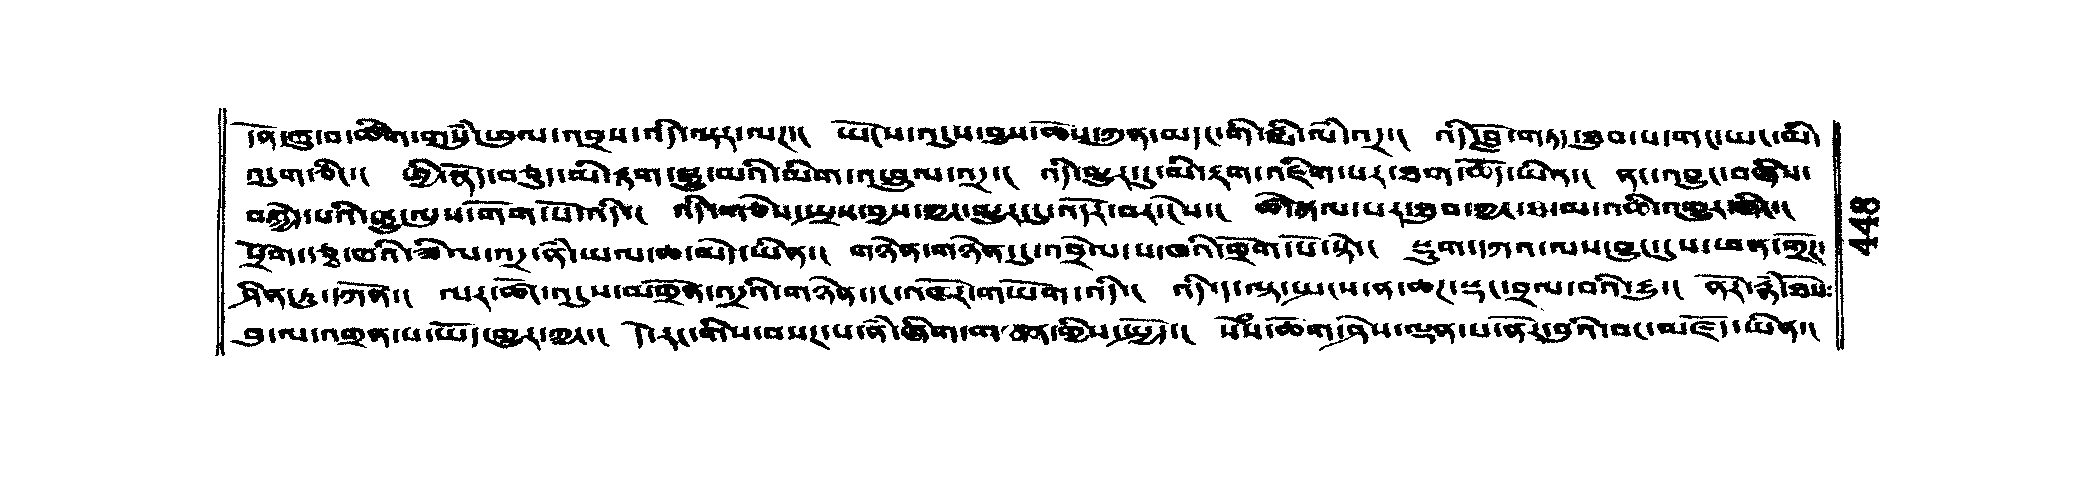།དོན་ཞུ་བ་ཚིག་གསུམ་ཕུལ་འབྲས་འདི་ལྟར་ལགས། །ཡོངས་འདུས་བྱས་ཆོས་ཀུན་མདང་གི་རྨི་ལམ་འདྲ། །འདི་བློ་གཏད་ཐུབ་པ་གང་ཡང་མི་
འདུག་ཅིང་། །ཕྱི་སྣོད་བཅུད་མི་རྟག་སྒྱུ་མའི་མིག་འཕྲུལ་འདྲ། །འདི་མྱུར་དུ་མི་རྟག་འཇིག་པར་ཐག་ཆོད་ཡིན། །ནང་འབྱུང་བཞིས་
བསྐྱེད་པའི་སྒྱུ་ལུས་གོག་པོ་འདི། །འདི་གཅེས་སྤྲས་བྱས་ཀྱང་མྱུར་དུ་འདོར་བར་ངེས། །ཚེ་སྐལ་པར་ཐུབ་ཀྱང་ཐ་མ་འཆི་འགྱུར་ཞིང་། །
སྲོག་རྩྭ་ཁའི་ཟིལ་འདྲ་ནམ་ཡལ་ཆ་མེད་ཡིན། །གཉེན་ཉེ་དུའི་འབྲེལ་པ་ཁ་ཡི་གྲོགས་པོ་སྟེ། །སྡུག་དཀའ་ལས་བྱུང་དུས་ཕན་གྲོགས་
ཤིན་ཏུ་དཀོན། །ལར་ཚོང་འདུས་མགྲོན་འདྲའི་གཉེན་དང་འཁོར་གཡོག་འདི། །འདི་ད་ལྟ་སྤངས་ན་ཆགས་སྡང་བྲལ་བའི་རྒྱུ། །ནོར་རྣམ་ཐོས་
བུ་ལ་འགྲན་པ་ཡོད་གྱུར་ཀྱང་། །དེ་རང་གིས་བསགས་པ་ནམ་ཞིག་གཞན་གྱིས་སྤྱོད། །སེམས་ཆོག་ཤེས་ལྡན་པ་ནོར་བུའི་བང་མཛོད་ཡིན།